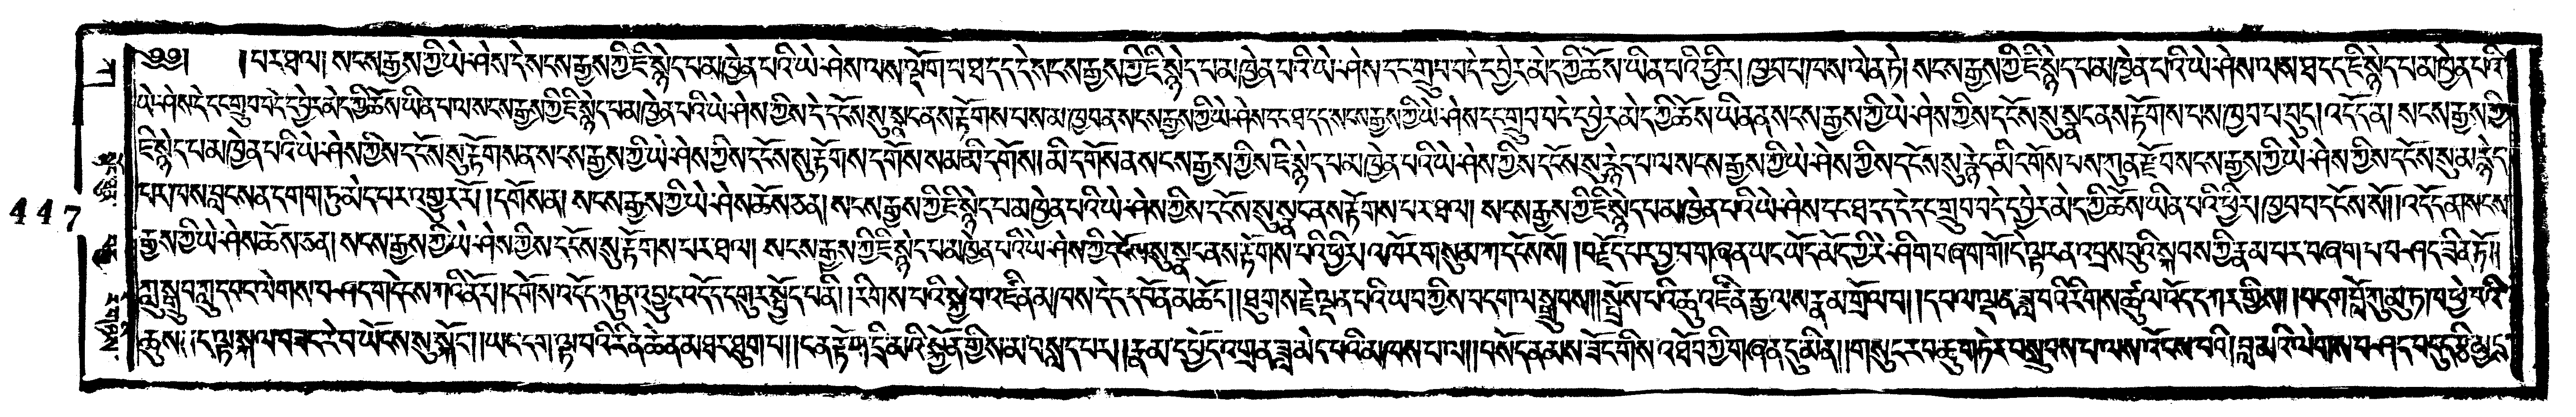༄༅། །བར་ཐལ། སངས་རྒྱས་ཀྱི་ཡེ་ཤེས་དེ་སངས་རྒྱས་ཀྱི་ཇི་སྙེད་པ་མཁྱེན་པའི་ཡེ་ཤེས་ལས་ལྡོག་པ་ཐ་དད་དེ་སངས་རྒྱས་ཀྱི་ཇི་སྙེད་པ་མཁྱེན་པའི་ཡེ་ཤེས་དང་གྲུབ་བདེ་དབྱེར་མེད་ཀྱི་ཆོས་ཡིན་པའི་ཕྱིར། ཁྱབ་པ་ཁས་ལེན་?་ཏེ། སངས་རྒྱས་ཀྱི་ཇི་སྙེད་པ་མཁྱེན་པའི་ཡེ་ཤེས་ལས་ཐ་དད་ཇི་སྙེད་པ་མཁྱེན་པའི་
ཡེ་ཤེས་དེ་དང་གྲུབ་བདེ་དབྱེར་མེད་ཀྱི་ཆོས་ཡིན་པ་ལ་སངས་རྒྱས་ཀྱི་ཇི་སྙེད་པ་མཁྱེན་པའི་ཡེ་ཤེས་ཀྱིས་དེ་དངོས་སུ་སྣང་ནས་རྟོགས་པས་མ་ཁྱབ་ན་སངས་རྒྱས་ཀྱི་ཡེ་ཤེས་དང་ཐ་དད་སངས་རྒྱས་ཀྱི་ཡེ་ཤེས་དང་གྲུབ་བདེ་དབྱེར་མེད་ཀྱི་ཆོས་ཡིན་ན་སངས་རྒྱས་ཀྱི་ཡེ་ཤེས་ཀྱིས་དངོས་སུ་སྣང་ནས་རྟོགས་པས་ཁྱབ་པ་བུད། འདོད་ན། སངས་རྒྱས་ཀྱི་
ཇི་སྙེད་པ་མཁྱེན་པའི་ཡེ་ཤེས་ཀྱིས་དངོས་སུ་རྟོགས་ན་སངས་རྒྱས་ཀྱི་ཡེ་ཤེས་ཀྱིས་དངོས་སུ་རྟོགས་དགོས་སམ་མི་དགོས། མི་དགོས་ན་སངས་རྒྱས་ཀྱིས་ཇི་སྙེད་པ་མཁྱེན་པའི་ཡེ་ཤེས་ཀྱིས་དངོས་སུ་རྙེད་པ་ལ་སངས་རྒྱས་ཀྱི་ཡེ་ཤེས་ཀྱིས་དངོས་སུ་རྙེད་མི་དགོས་པས་ཀུན་རྫོབ་སངས་རྒྱས་ཀྱི་ཡེ་ཤེས་ཀྱིས་དངོས་སུ་མ་རྙེད་
པར་ཁས་བླངས་ན་དགག་ཏུ་མེད་པར་འགྱུར་རོ། །དགོས་ན། སངས་རྒྱས་ཀྱི་ཡེ་ཤེས་ཆོས་ཅན། སངས་རྒྱས་ཀྱི་ཇི་སྙེད་པ་མཁྱེན་པའི་ཡེ་ཤེས་ཀྱིས་དངོས་སུ་སྣང་ནས་རྟོགས་པར་ཐལ། སངས་རྒྱས་ཀྱི་ཇི་སྙེད་པ་མཁྱེན་པའི་ཡེ་ཤེས་དང་ཐ་དད་དེ་དང་གྲུབ་བདེ་དབྱེར་མེད་ཀྱི་ཆོས་ཡིན་པའི་ཕྱིར། ཁྱབ་པ་དངོས་སོ། །འདོད་ན། སངས་
རྒྱས་ཀྱི་ཡེ་ཤེས་ཆོས་ཅན། སངས་རྒྱས་ཀྱི་ཡེ་ཤེས་ཀྱིས་དངོས་སུ་རྟོགས་པར་ཐལ། སངས་རྒྱས་ཀྱི་ཇི་སྙེད་པ་མཁྱེན་པའི་ཡེ་ཤེས་ཀྱི་དངོས་སུ་སྣང་ནས་རྟོགས་པའི་ཕྱིར། འཁོར་གསུམ་ཀ་དངོས་སོ། །བརྗོད་པར་བྱ་བ་གཞན་ཡང་ཡོད་མོད་ཀྱི་རེ་ཤིག་བཞག་གོ། དེ་ལྟར་ན་འབྲས་བུའི་སྐབས་ཀྱི་རྣམ་པར་བཞག་པ་བཤད་ཟིན་ཏོ།།
ཀླུ་སྒྲུབ་ཀླུ་དབང་ལེགས་བཤད་གདེངས་ཀའི་ནོར། །དགོས་འདོད་ཀུན་འབྱུང་འདོད་དགུར་སྤྱོད་པ་ནི། །རིགས་པའི་སྐྱེ་བ་འཛིན་མཁས་དེད་དཔོན་མཆོག། ཐུགས་རྗེ་ལྡན་པའི་ཡབ་ཀྱིས་བདག་ལ་སྒྲུབས། །སྤྲོས་པའི་ཆུ་འཛིན་རྒྱ་ལས་རྣམ་གྲོལ་བ། །དཔལ་ལྡན་ཟླ་བའི་རིགས་ཚུལ་འོད་དཀར་གྱིས། །བདག་བླེ་?་ཀུ་མུ་ཏ་ཁ་ཕྱེ་བའི་
ཆུས༑ ༑ད་ལྟ་སྐལ་བཟང་རེ་བ་ཡོངས་སུ་སྐོང་། །ཡང་དག་ལྟ་བའི་རིན་ཆེན་མཐར་ཐུག་པ། །ངན་རྟོག་དྲི་མའི་སྐྱོན་གྱིས་མ་བསླད་པར། །རྣམ་དཔྱོད་འགྲན་ཟླ་མེད་པའི་མཁས་པ་ལ། །བསོད་ནམས་ཟོང་གིས་འཐོབ་ཀྱི་གཞན་དུ་མིན། །གསུང་རབ་ཆུ་གཏེར་བསྲུབས་པ་ལས་འོངས་པའི་བླ་མའི་ལེགས་བཤད་བདུད་རྩི་མྱངས་